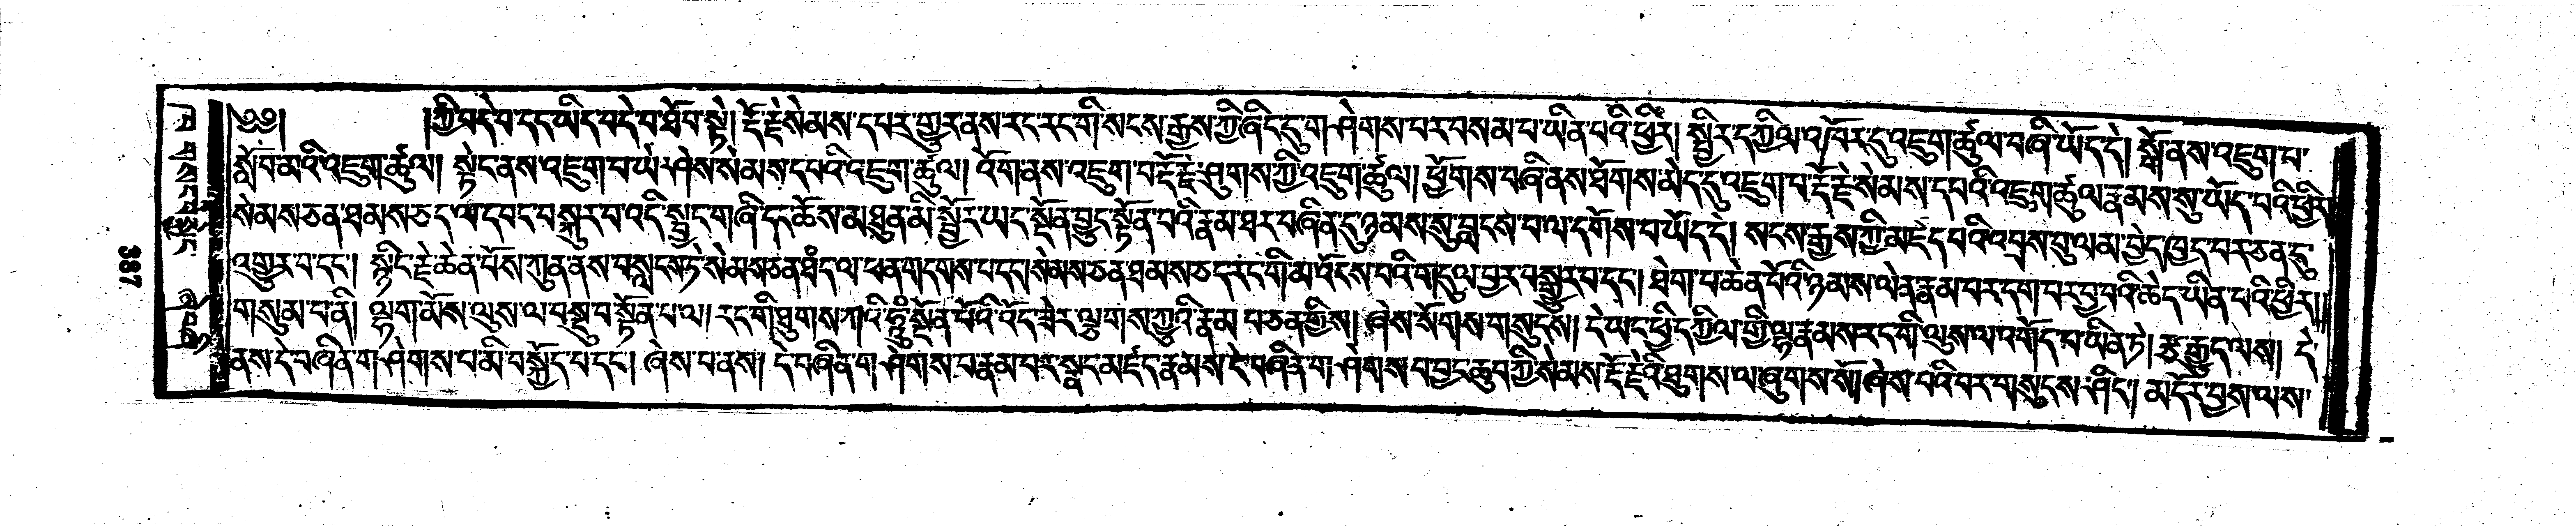༄༅། །ཀྱི་བདེ་བ་དང་ཡིད་བདེ་བ་ཐོབ་སྟེ། རྡོ་རྗེ་སེམས་དཔར་གྱུར་ནས་རང་རང་གི་སངས་རྒྱས་ཀྱི་ཞིང་དུ་གཤེགས་པར་བསམ་པ་ཡིན་པའི་ཕྱིར། སྤྱིར་དཀྱིལ་འཁོར་དུ་འཇུག་ཚུལ་བཞི་ཡོད་དེ། སྒོ་ནས་འཇུག་པ་
སློབ་མའི་འཇུག་ཚུལ། སྟེང་ནས་འཇུག་པ་ཡེ་ཤེས་སེམས་དཔའི་འཇུག་ཚུལ། འོག་ནས་འཇུག་བ་རྡོ་རྗེ་ཤུགས་ཀྱི་འཇུག་ཚུལ། ཕྱོགས་བཞི་ནས་ཐོགས་མེད་དུ་འཇུག་པ་རྡོ་རྗེ་སེམས་དཔའི་འཇུག་ཚུལ་རྣམས་སུ་ཡོད་པའི་ཕྱིར་
སེམས་ཅན་ཐམས་ཅད་ལ་དབང་བསྐུར་བ་འདི་སྦྱང་གཞི་དང་ཆོས་མཐུན་མི་སྦྱོར་ཡང་སྔོན་བྱུང་སྟོན་པའི་རྣམ་ཐར་བཞིན་དུ་ཉམས་སུ་བླངས་པ་ལ་དགོས་པ་ཡོད་དེ། སངས་རྒྱས་ཀྱི་མཛད་པའི་འབྲས་བུ་ལམ་བྱེད་ཁྱད་པར་ཅན་དུ་
འགྱུར་བ་དང་། སྙིང་རྗེ་ཆེན་པོས་ཀུན་ནས་བསླངས་ཏེ་སེམས་ཅན་ཐད་ལ་ཕན་གདགས་པ་དང་། སེམས་ཅན་ཐམས་ཅད་རང་གི་མ་འོངས་པའི་གདུལ་བྱར་བསྒྱུར་བ་དང་། ཐེག་པ་ཆེན་པོའི་ཉམས་ལེན་རྣམ་པར་དག་པར་བྱ་བའི་ཆེད་ཡིན་པའི་ཕྱིར། །
གསུམ་པ་ནི། ལྷག་མོས་ལུས་ལ་བསྡུ་བ་སྟོན་པ་ལ། རང་གི་ཐུགས་ཀའི་ཧཱུཾ་སྔོན་པོའི་འོད་ཟེར་ལྕགས་ཀྱུའི་རྣམ་པ་ཅན་གྱིས། ཞེས་སོགས་གསུངས། དེ་ཡང་ཕྱི་དཀྱིལ་གྱི་ལྷ་རྣམས་རང་གི་ལུས་ལ་འགོད་པ་ཡིན་ཏེ། རྩ་རྒྱུད་ལས། དེ་
ནས་དེ་བཞིན་གཤེགས་པ་མི་བསྐྱོད་པ་དང་། ཞེས་པ་ནས། དེ་བཞིན་གཤེགས་པ་རྣམ་པར་སྣང་མཛད་རྣམས་དེ་བཞིན་གཤེགས་པ་བྱང་ཆུབ་ཀྱི་སེམས་རྡོ་རྗེའི་ཐུགས་ལ་ཞུགས་སོ། ཞེས་པའི་བར་གསུངས་ཤིང་། མདོར་བྱས་ལས་